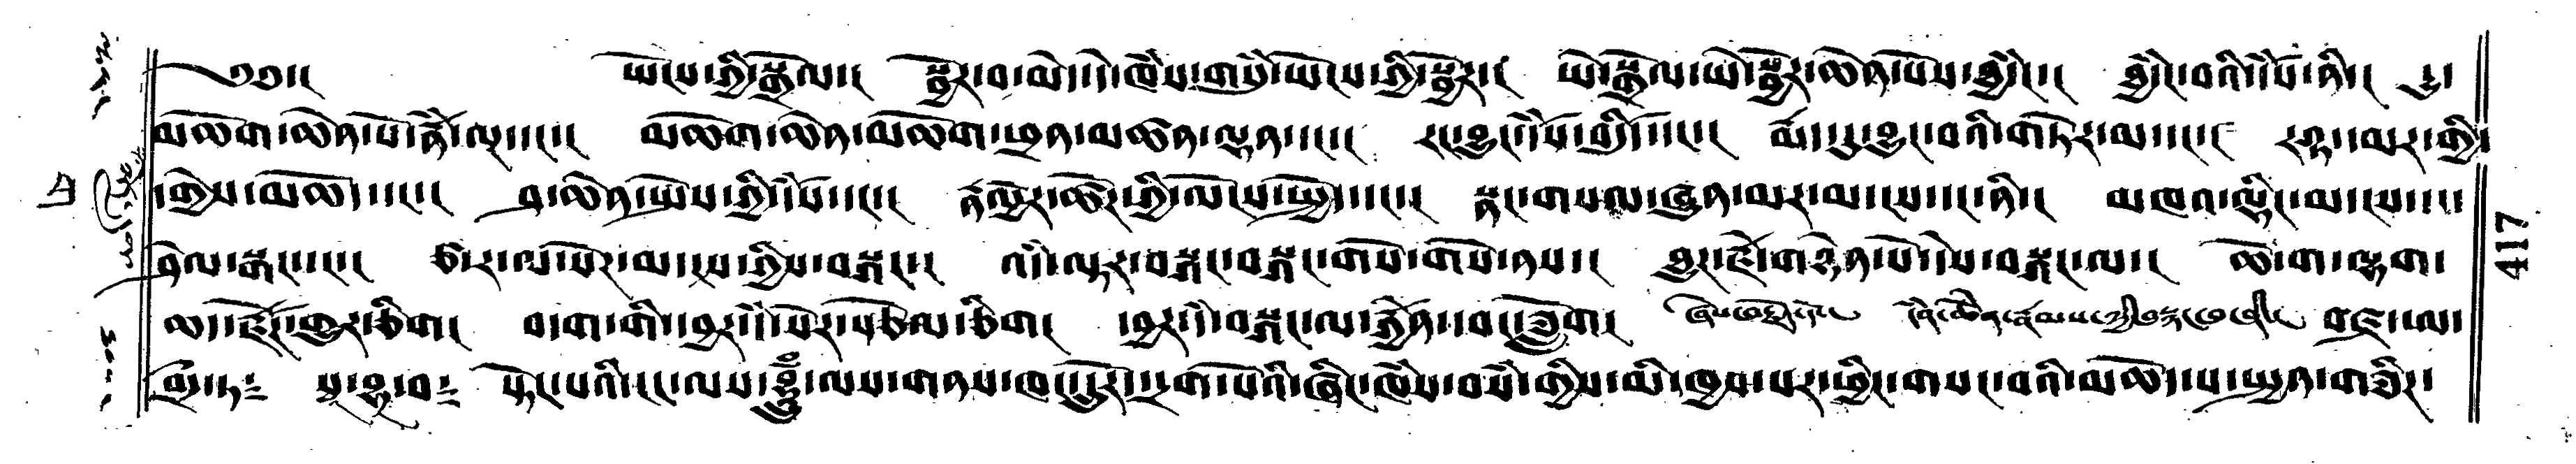ཡོངས་ཀྱི་སྒྲོལ། །སྦྱོར་བ་མེད་དེ་ཁམས་གསུམ་ཡོངས་ཀྱི་སྦྱོར། །ཡེ་སྒྲོལ་ཡེ་སྦྱོར་ཆེན་པོས་ཐུགས་དམ་བསྐང་། ཐུགས་དམ་སྐོང་བའི་དམ་རྫས་ནི། །རྒྱུ་
མཆོག་ཆེན་པོ་རྣམ་ལྔ་དང་། མཆོག་ཆེན་མཆོག་ཕྲན་མཚན་ལྡན་དང་། །རང་བྱུང་དམ་རྫས་བདུད་རྩི་དང་། །རྨད་དུ་བྱུང་བའི་གཏོར་མ་དང་། །རཀྟ་དམར་གྱི་
དགྱེས་མཆོད་དང་། །ཤ་ཆེན་སྤོས་ཀྱི་དམ་རྫས་དང་། །རྣལ་འབྱོར་ཚོགས་ཀྱི་ལོངས་སྤྱོད་དང་། །སྣང་གསལ་ཞུན་མར་མདངས་ལྡན་ནི། །མཁའ་ལྡིང་མདངས་དང་
ཤེལ་སྒང་དང་། །ཙ་ར་ལ་སོགས་མདངས་ཀྱིས་བསྐང་། །འདི་ལྟར་བསྐངས་བསྐངས་གསོལ་གསོལ་ནས། ཐུགས་རྗེ་གཉེན་པོ་དེས་བསྐངས་ལ། །ཆོ་ག་ལྷག་
ཆད་རྫོགས་གྱུར་ཅིག །བདག་གི་དབྱར་དམ་སོར་སྩོལ་ཅིག །དབྱར་དམ་བསྐངས་ལ་རྐྱེན་དབང་ཟློགས། ཞེས་རྫོད་དོ། །དམ་ཅན་ཆེན་པོ་རྣམས་ཀྱི་སྐོང་བ་ནི། བཛྲ་ཨ་
མྲྀ་ཏ༴ སྭ་བྷཱ་བ༴ སྟོང་པའི་ངང་ལས་བྷྲུཾ་ལས་གནས་ཁང་དུར་ཁྲོད་དྲག་པོའི་ཞིང་ཁམས་བསམ་གྱིས་མི་ཁྱབ་པར་ཕྱི་ནང་གསང་བའི་མཆོད་པ་སྤྱན་གཟིགས་